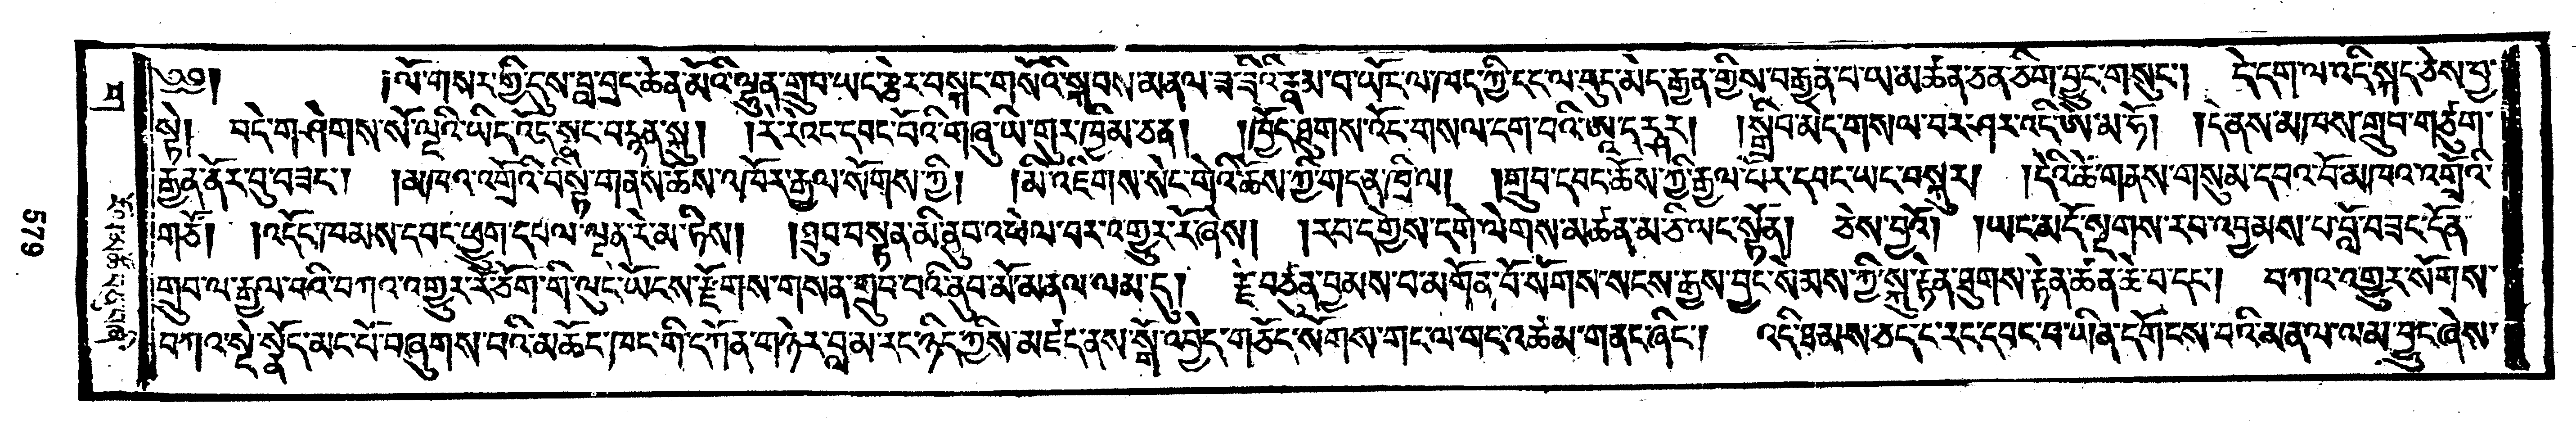༄༅། །ལོ་གསར་གྱི་དུས་བླ་བྲང་ཆེན་མོའི་ལྷུན་གྲུབ་ཡང་རྩེར་བསྐང་གསོའི་སྐབས་མནལ་ཟ་ཟིའི་རྣམ་པ་ཡོང་ལ་ཁྱད་ཀྱི་ངང་ལ་བུད་མེད་རྒྱན་གྱིས་བརྒྱན་པ་ཡ་མཚན་ཅན་ཅིག་བྱུང་གསུང་། དེ་དག་ལ་འདི་སྐད་ཅེས་བྱ་
སྟེ། བདེ་གཤེགས་སོ་ལྔའི་ཡིད་འོད་སྣང་བརྙན་སྐུ། །རེ་རེའང་དབང་བོའི་གཞུ་ཡི་གུར་ཁྱིམ་ཅན། །ཁྱོད་ཐུགས་འོང་གསལ་དག་བའི་ཨཱ་དརྴར། །སྒྲིབ་མེད་གསལ་བར་ཤར་འདི་ཨེ་མ་ཧོ། །དེ་ནས་མཁས་གྲུབ་གཙུག་
རྒྱན་ནོར་བུ་བཟང་། །མཁའ་འགྲོའི་བསྟི་གནས་ཆོས་འཁོར་རྒྱལ་སོགས་ཀྱི། །མི་འཇིགས་སེང་གེའི་ཆོས་ཀྱི་གདན་ཁྲི་ལ། །གྲུབ་དབང་ཆོས་ཀྱི་རྒྱལ་པོར་དབང་ཡང་བསྐུར། །དེའི་ཚེ་གནས་གསུམ་དཔའ་བོ་མཁའ་འགྲོའི་
གཙོ། །འདོད་ཁམས་དབང་ཕྱུག་དཔལ་ལྡན་རེ་མ་ཏིས། །ཐུབ་བསྟན་མི་ནུབ་འཕེལ་བར་འགྱུར་རོ་ཞེས། །རབ་དགྱེས་དགེ་ལེགས་མཚན་མ་ཅི་ལང་སྟོན། ཅེས་བྱའོ། །ཡང་མདོ་སྔགས་རབ་འབྱམས་པ་བློ་བཟང་དོན་
གྲུབ་ལ་རྒྱལ་བའི་བཀའ་འགྱུར་རོ་ཅོག་གི་ལུང་ཡོངས་རྫོགས་གསན་གྲུབ་པའི་ནུབ་མོ་མནལ་ལམ་དུ། རྗེ་བཙུན་བྱམས་བ་མགོན་པོ་སོགས་སངས་རྒྱས་བྱང་སེམས་ཀྱི་སྐུ་རྟེན་ཐུགས་རྟེན་ཚན་ཆེ་བ་དང་། བཀའ་འགྱུར་སོགས་
བཀའ་སྡེ་སྣོད་མང་པོ་བཞུགས་པའི་མཆོད་ཁང་གི་དཀོན་གཉེར་བླ་མ་རང་ཉིད་ཀྱིས་མཛད་ནས་སྒོ་འབྱེད་གཅོད་སོགས་གང་ལ་གང་འཚམ་གནང་ཞིང་། འདི་ཐམས་ཅད་ང་རང་དབང་བ་ཡིན་དགོངས་པའི་མནལ་ལམ་བྱུང་ཞེས་